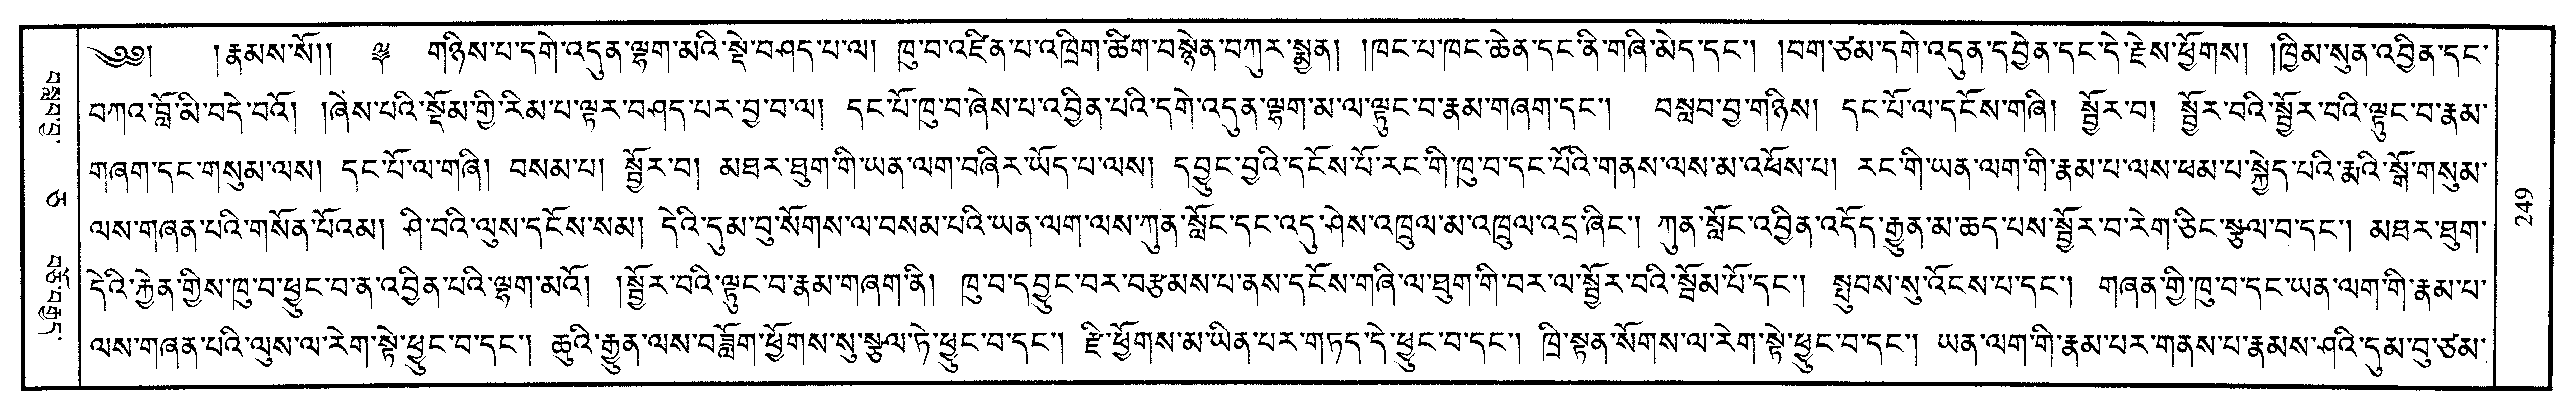༄༅། །རྣམས་སོ།། ༈ གཉིས་པ་དགེ་འདུན་ལྷག་མའི་སྡེ་བཤད་པ་ལ། ཁུ་བ་འཛིན་པ་འཁྲིག་ཚིག་བསྙེན་བཀུར་སྨྱན། །ཁང་པ་ཁང་ཆེན་དང་ནི་གཞི་མེད་དང་། །བག་ཙམ་དགེ་འདུན་དབྱེན་དང་དེ་རྗེས་ཕྱོགས། །ཁྱིམ་སུན་འབྱིན་དང་
བཀའ་བློ་མི་བདེ་བའོ། །ཞེས་པའི་སྡོམ་གྱི་རིམ་པ་ལྟར་བཤད་པར་བྱ་བ་ལ། དང་པོ་ཁུ་བ་ཞེས་པ་འབྱིན་པའི་དགེ་འདུན་ལྷག་མ་ལ་ལྟུང་བ་རྣམ་གཞག་དང་། བསླབ་བྱ་གཉིས། དང་པོ་ལ་དངོས་གཞི། སྦྱོར་བ། སྦྱོར་བའི་སྦྱོར་བའི་ལྟུང་བ་རྣམ་
གཞག་དང་གསུམ་ལས། དང་པོ་ལ་གཞི། བསམ་པ། སྦྱོར་བ། མཐར་ཐུག་གི་ཡན་ལག་བཞིར་ཡོད་པ་ལས། དབྱུང་བྱའི་དངོས་པོ་རང་གི་ཁུ་བ་དང་པོའི་གནས་ལས་མ་འཕོས་པ། རང་གི་ཡན་ལག་གི་རྣམ་པ་ལས་ཕམ་པ་སྐྱེད་པའི་རྨའི་སྒོ་གསུམ་
ལས་གཞན་པའི་གསོན་པོའམ། ཤི་བའི་ལུས་དངོས་སམ། དེའི་དུམ་བུ་སོགས་ལ་བསམ་པའི་ཡན་ལག་ལས་ཀུན་སློང་དང་འདུ་ཤེས་འཁྲུལ་མ་འཁྲུལ་འདྲ་ཞིང་། ཀུན་སློང་འབྱིན་འདོད་རྒྱུན་མ་ཆད་པས་སྦྱོར་བ་རེག་ཅིང་སྩལ་བ་དང་། མཐར་ཐུག་
དེའི་རྐྱེན་གྱིས་ཁུ་བ་ཕྱུང་བ་ན་འབྱིན་པའི་ལྷག་མའོ། །སྦྱོར་བའི་ལྟུང་བ་རྣམ་གཞག་ནི། ཁུ་བ་དབྱུང་བར་བརྩམས་པ་ནས་དངོས་གཞི་ལ་ཐུག་གི་བར་ལ་སྦྱོར་བའི་སྦོམ་པོ་དང་། སྤུབས་སུ་འོངས་པ་དང་། གཞན་གྱི་ཁུ་བ་དང་ཡན་ལག་གི་རྣམ་པ་
ལས་གཞན་པའི་ལུས་ལ་རེག་སྟེ་ཕྱུང་བ་དང་། ཆུའི་རྒྱུན་ལས་བཟློག་ཕྱོགས་སུ་སྩལ་ཏེ་ཕྱུང་བ་དང་། རྫི་ཕྱོགས་མ་ཡིན་པར་གཏད་དེ་ཕྱུང་བ་དང་། ཁྲི་སྟན་སོགས་ལ་རེག་སྟེ་ཕྱུང་བ་དང་། ཡན་ལག་གི་རྣམ་པར་གནས་པ་རྣམས་ཤའི་དུམ་བུ་ཙམ་